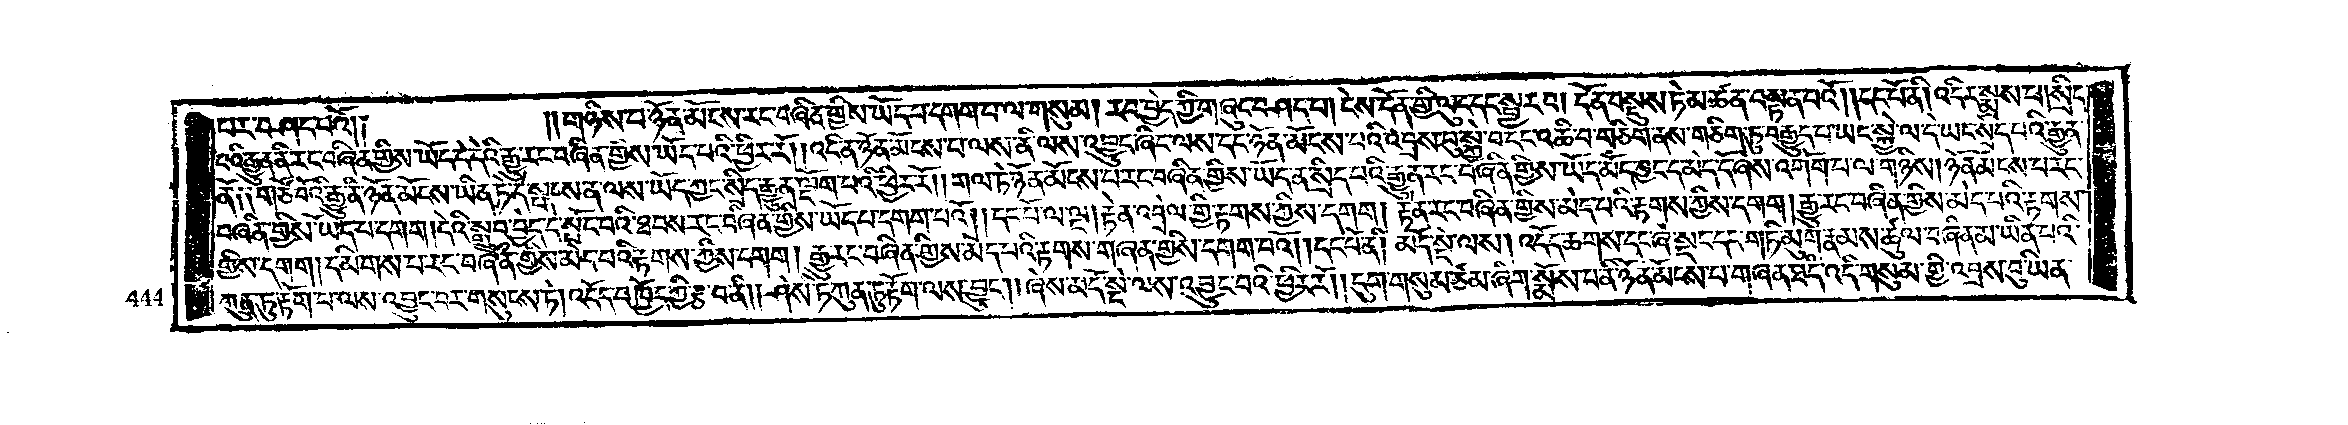པར་བཤད་པའོ།། །།གཉིས་པ་ཉོན་མོངས་རང་བཞིན་གྱིས་ཡོད་པ་དགག་པ་ལ་གསུམ། རབ་བྱེད་ཀྱི་གཞུང་བཤད་པ། ངེས་དོན་གྱི་ལུང་དང་སྦྱར་བ། དོན་བསྡུས་ཏེ་མཆན་བསྟན་པའོ། །དང་པོ་ནི། འདིར་སྨྲས་པ། སྲིད་
པའི་རྒྱན་ནི་རང་བཞིན་གྱིས་ཡོད་དེ་དེའི་རྒྱུ་རང་བཞིན་གྱིས་ཡོད་པའི་ཕྱིར་རོ། །འདི་ན་ཉོན་མོངས་པ་ལས་ནི་ལས་འབྱུང་ཞིང་ལས་དང་ཉོན་མོངས་པའི་འབྲས་བུ་སྐྱེ་བ་དང་འཆི་བ་གཅིག་ནས་གཅིག་ཏུ་བརྒྱུད་པ་ཡང་སྐྱེ་ལ་དེ་ཡང་སྲིད་པའི་རྒྱུན་
ནོ༑ ༑གཙོ་བོའི་རྒྱུ་ནི་ཉོན་མོངས་ཡིན་ཏེ་དེ་སྤངས་ན་ལས་ཡོད་ཀྱང་སྲིད་རྒྱུན་ལྡོག་པའི་ཕྱིར་རོ། །གལ་ཏེ་ཉོན་མོངས་པ་རང་བཞིན་གྱིས་ཡོད་ན་སྲིད་པའི་རྒྱུན་རང་བཞིན་གྱིས་ཡོད་མོད་ཀྱང་ད་མེད་དོ་ཞེས་འགོག་པ་ལ་གཉིས། ཉོན་མོངས་པ་རང་
བཞིན་གྱིས་ཡོད་པ་དགག། དེའི་སྒྲུབ་བྱེད་དེ་སྤོང་བའི་ཐབས་རང་བཞིན་གྱིས་ཡོད་པ་དགག་པའོ། །དང་པོ་ལ་ལྔ། རྟེན་འབྲེལ་གྱི་རྟགས་ཀྱིས་དགག། རྟེན་རང་བཞིན་གྱིས་མེད་པའི་རྟགས་ཀྱིས་དགག། རྒྱུ་རང་བཞིན་གྱིས་མེད་པའི་རྟགས་
གྱིས་དགག། དམིགས་པ་རང་བཞིན་གྱིས་མེད་པའི་རྟགས་ཀྱིས་དགག། རྒྱུ་རང་བཞིན་གྱིས་མེད་པའི་རྟགས་གཞན་གྱིས་དགག་པའོ། །དང་པོ་ནི། མདོ་སྡེ་ལས། འདོད་ཆགས་དང་ཞེ་སྡང་དང་གཏི་མུག་རྣམས་ཚུལ་བཞིན་མ་ཡིན་པའི་
ཀུན་ཏུ་རྟོག་པ་ལས་འབྱུང་བར་གསུངས་ཏེ། འདོད་པ་ཁྱོད་ཀྱི་རྩ་བ་ནི། ཤེས་ཏེ་ཀུན་ཏུ་རྟོག་ལས་བྱུང་། །ཞེས་མདོ་སྡེ་ལས་འབྱུང་བའི་ཕྱིར་རོ། །དུག་གསུམ་ཙམ་ཞིག་སྨོས་པ་ནི་ཉོན་མོངས་པ་གཞན་ཐཾད་འདི་གསུམ་གྱི་འབྲས་བུ་ཡིན་